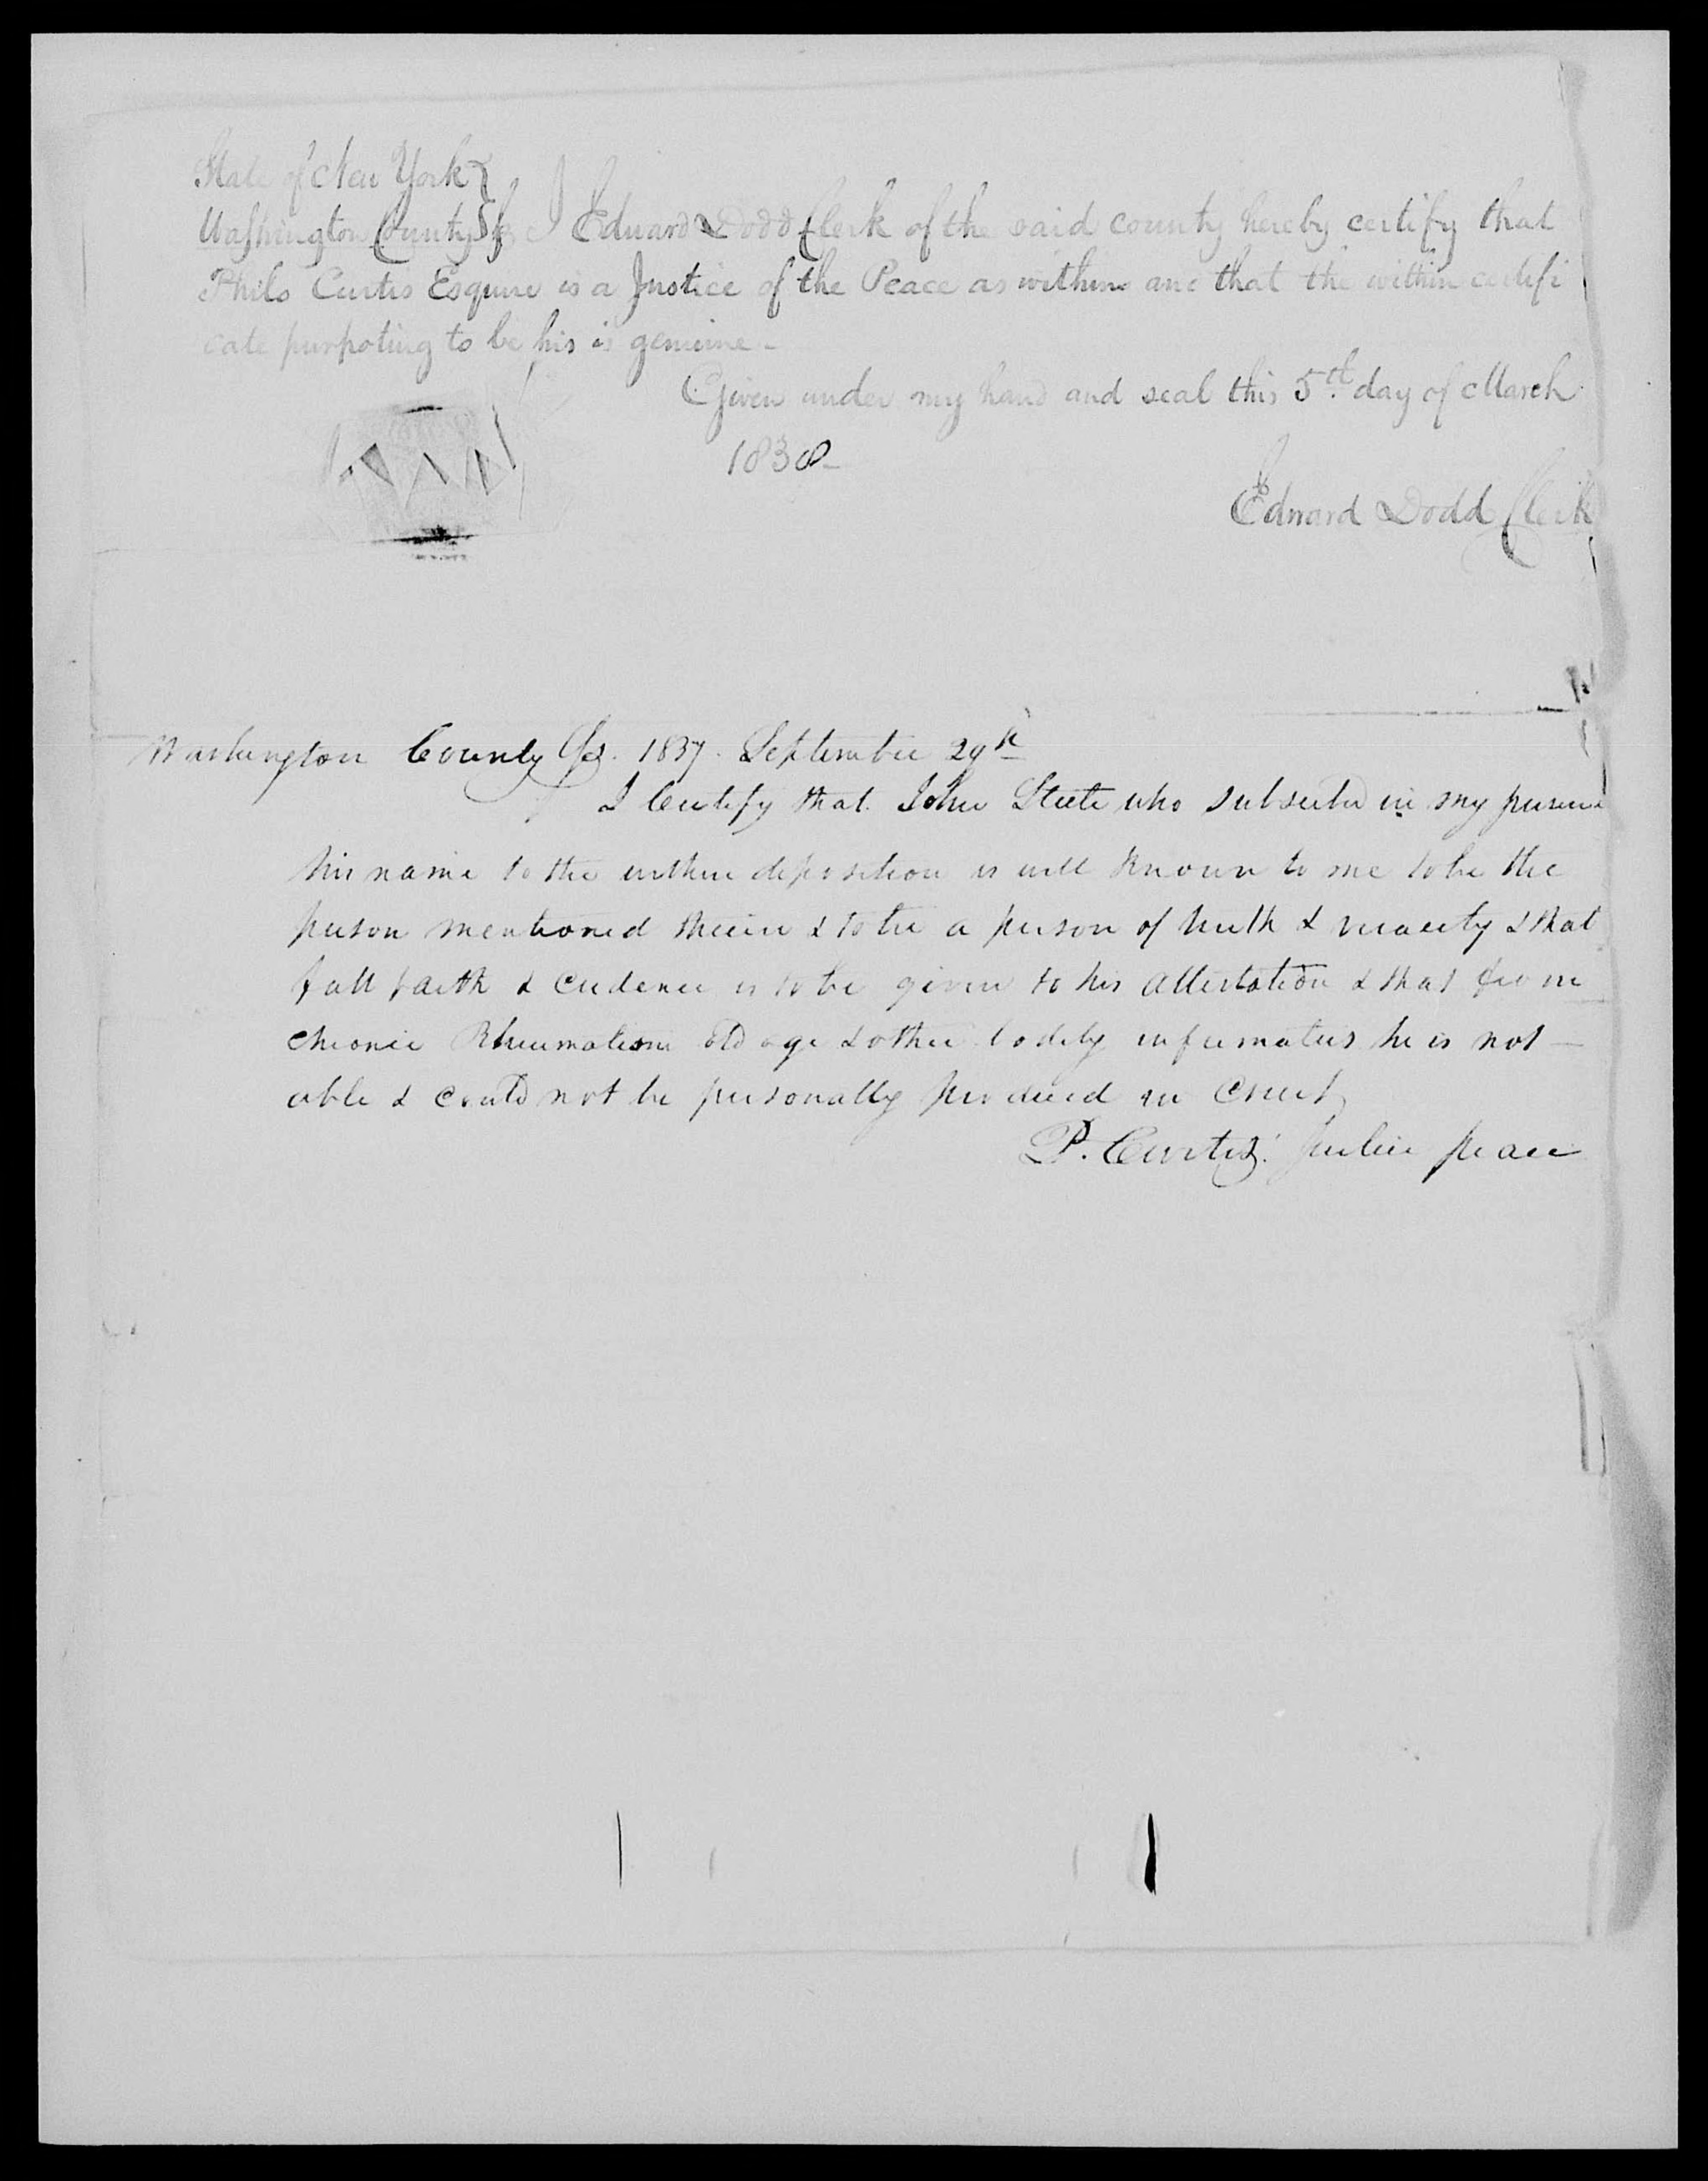State of New York
Washington County ss} I Edward Dodd Clerk of the said county hereby certify that Phila Curtis Esquire is a Justice of the Peace as within and that the within certificate purporting to be his is genuine. 
Given under my hand and seal this 5th day of March 
1832
Edward Dodd Clerk

Washington County ss 1837 September 29th
I certify that John Stule who subscribed in my presence his name to the within deposition is well known to me to be the person mentioned therein and to be a person of truth and veracity and that full faith and credence is to be given to his attestation and that further chronic rheumatism, old age and other bodily infirmaties he is not able and could not be personally prescribed in court. 
P. Curtis Justice Peace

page: 14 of 42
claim: widow's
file: W. 23,937 S. 28094, for Alexander Mc Nish, New York